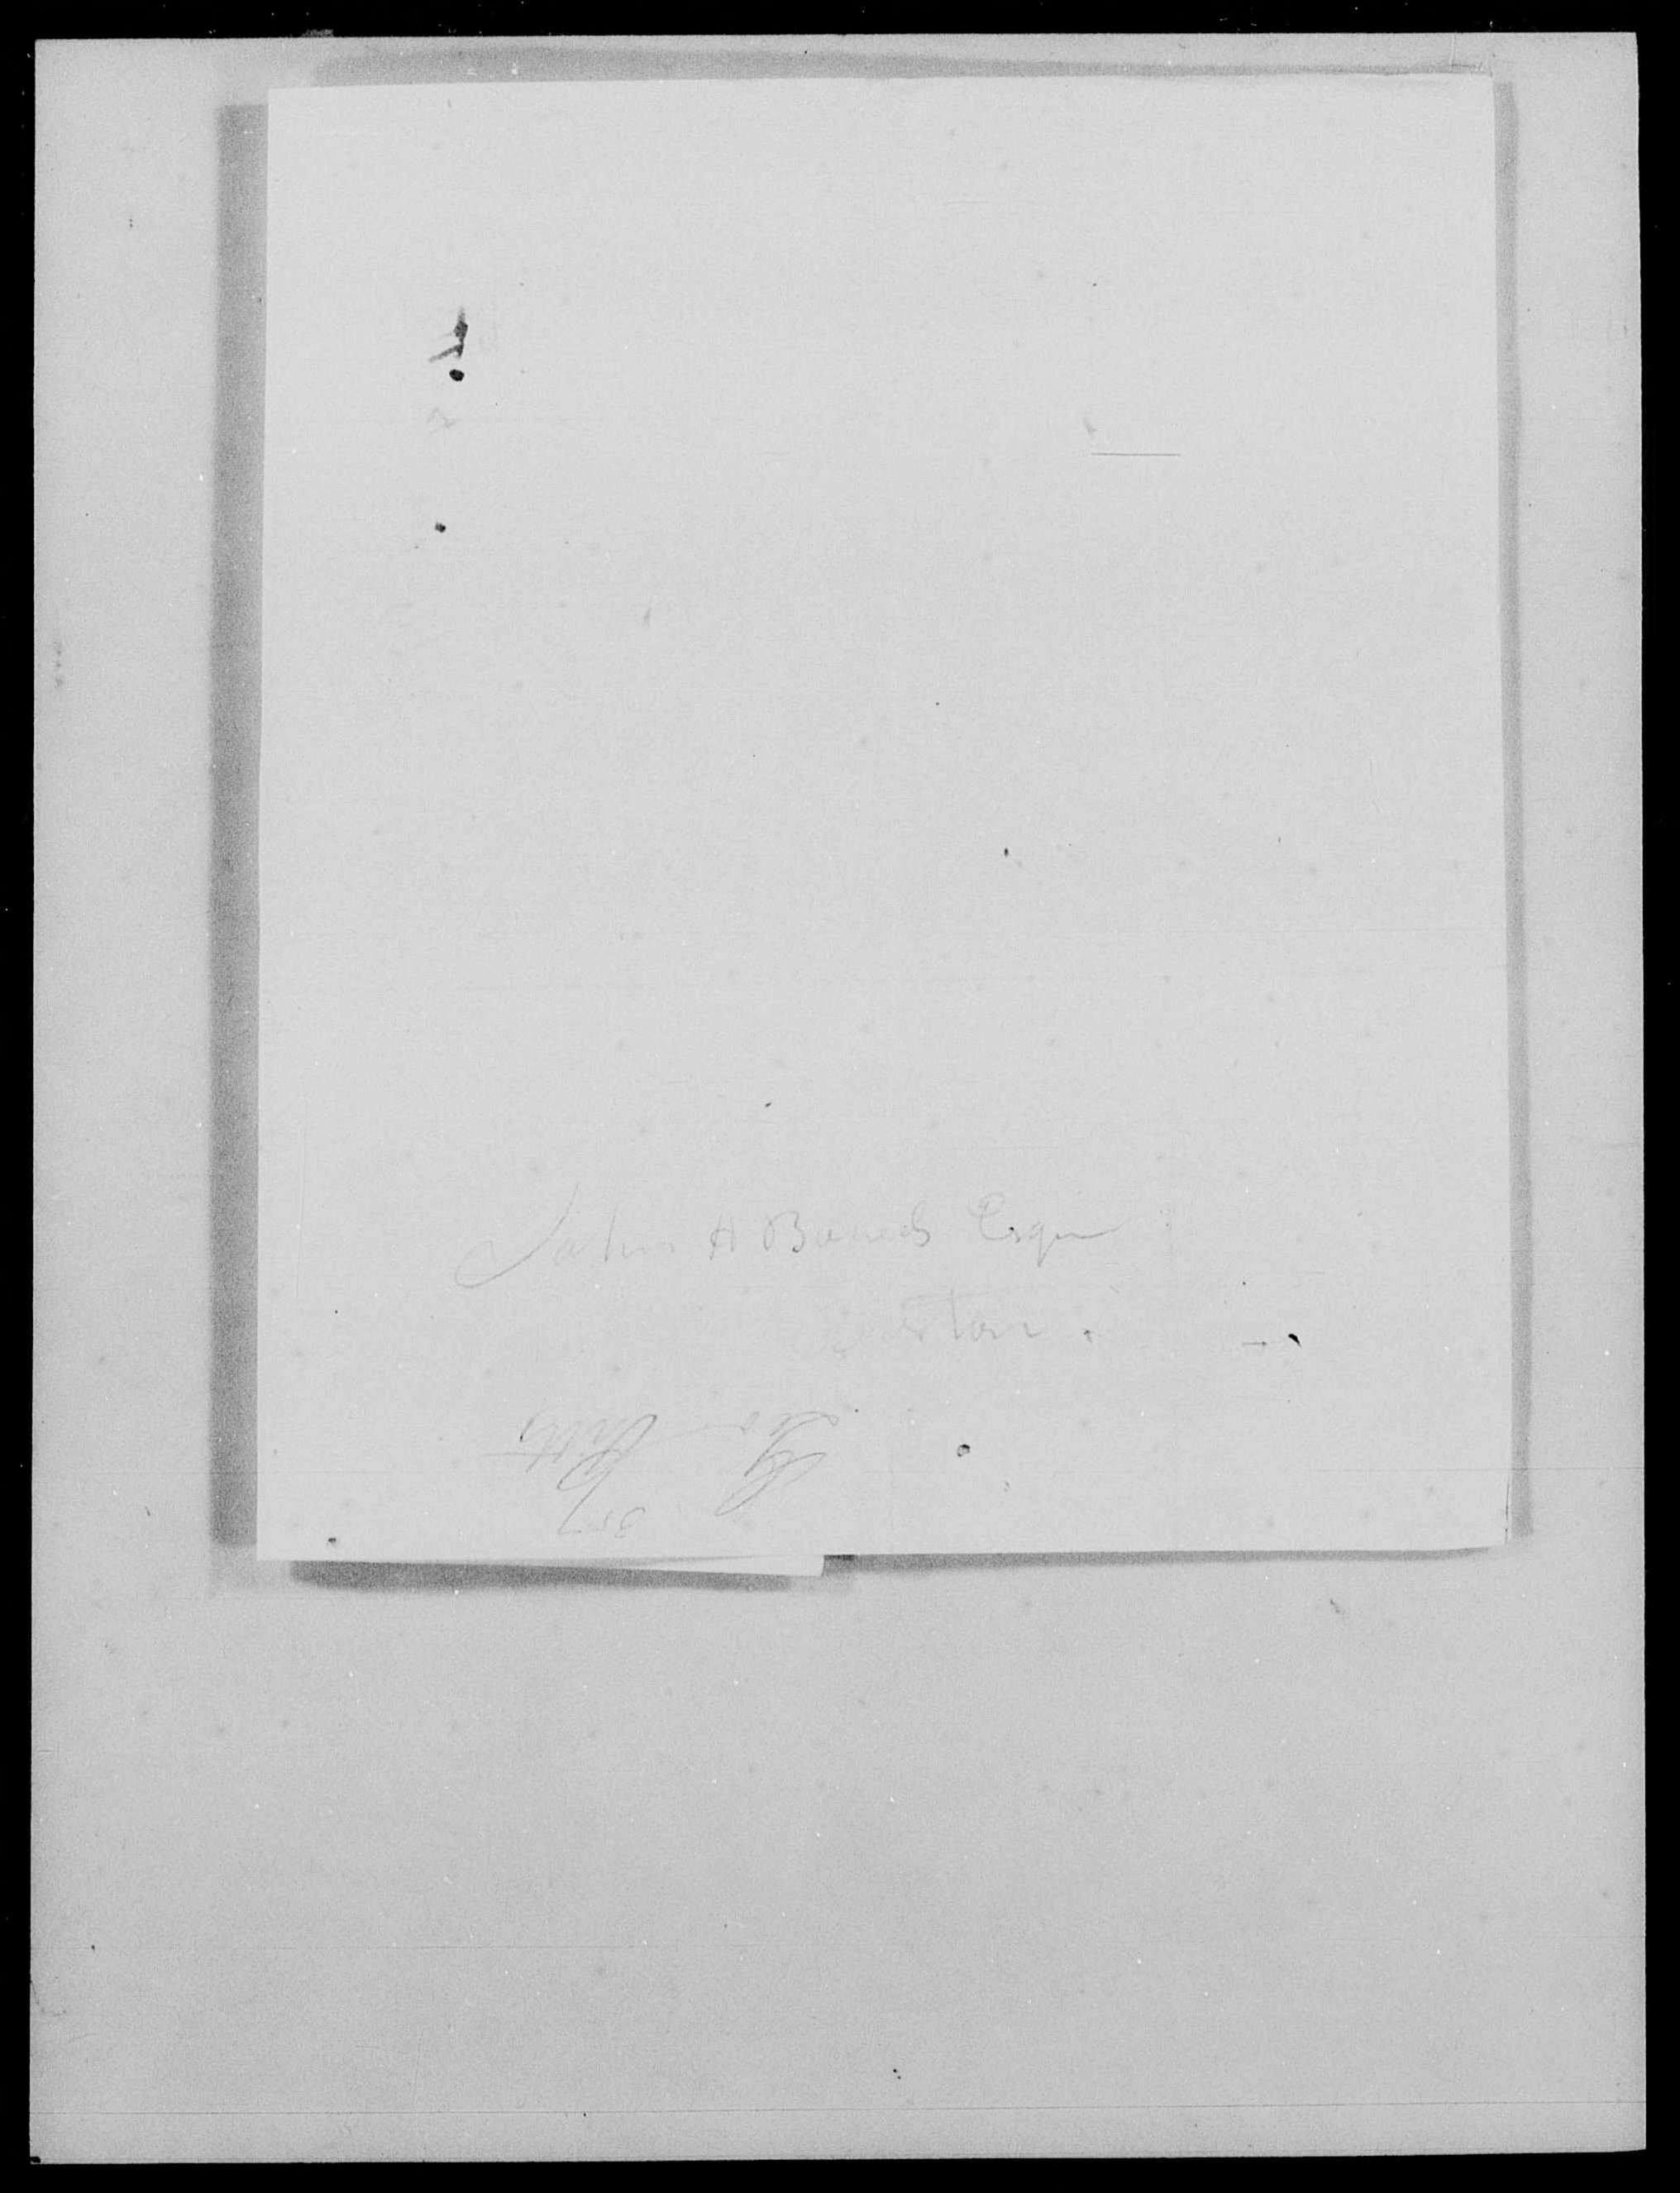[signatures at bottom of page. if other writing on page, it is indecipherable]
John A. Boned
Geo. Pitts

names: John A Boned; G Pitts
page: 20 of 54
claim: widow's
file: W. 26,897, for George Pitts, Massachusetts